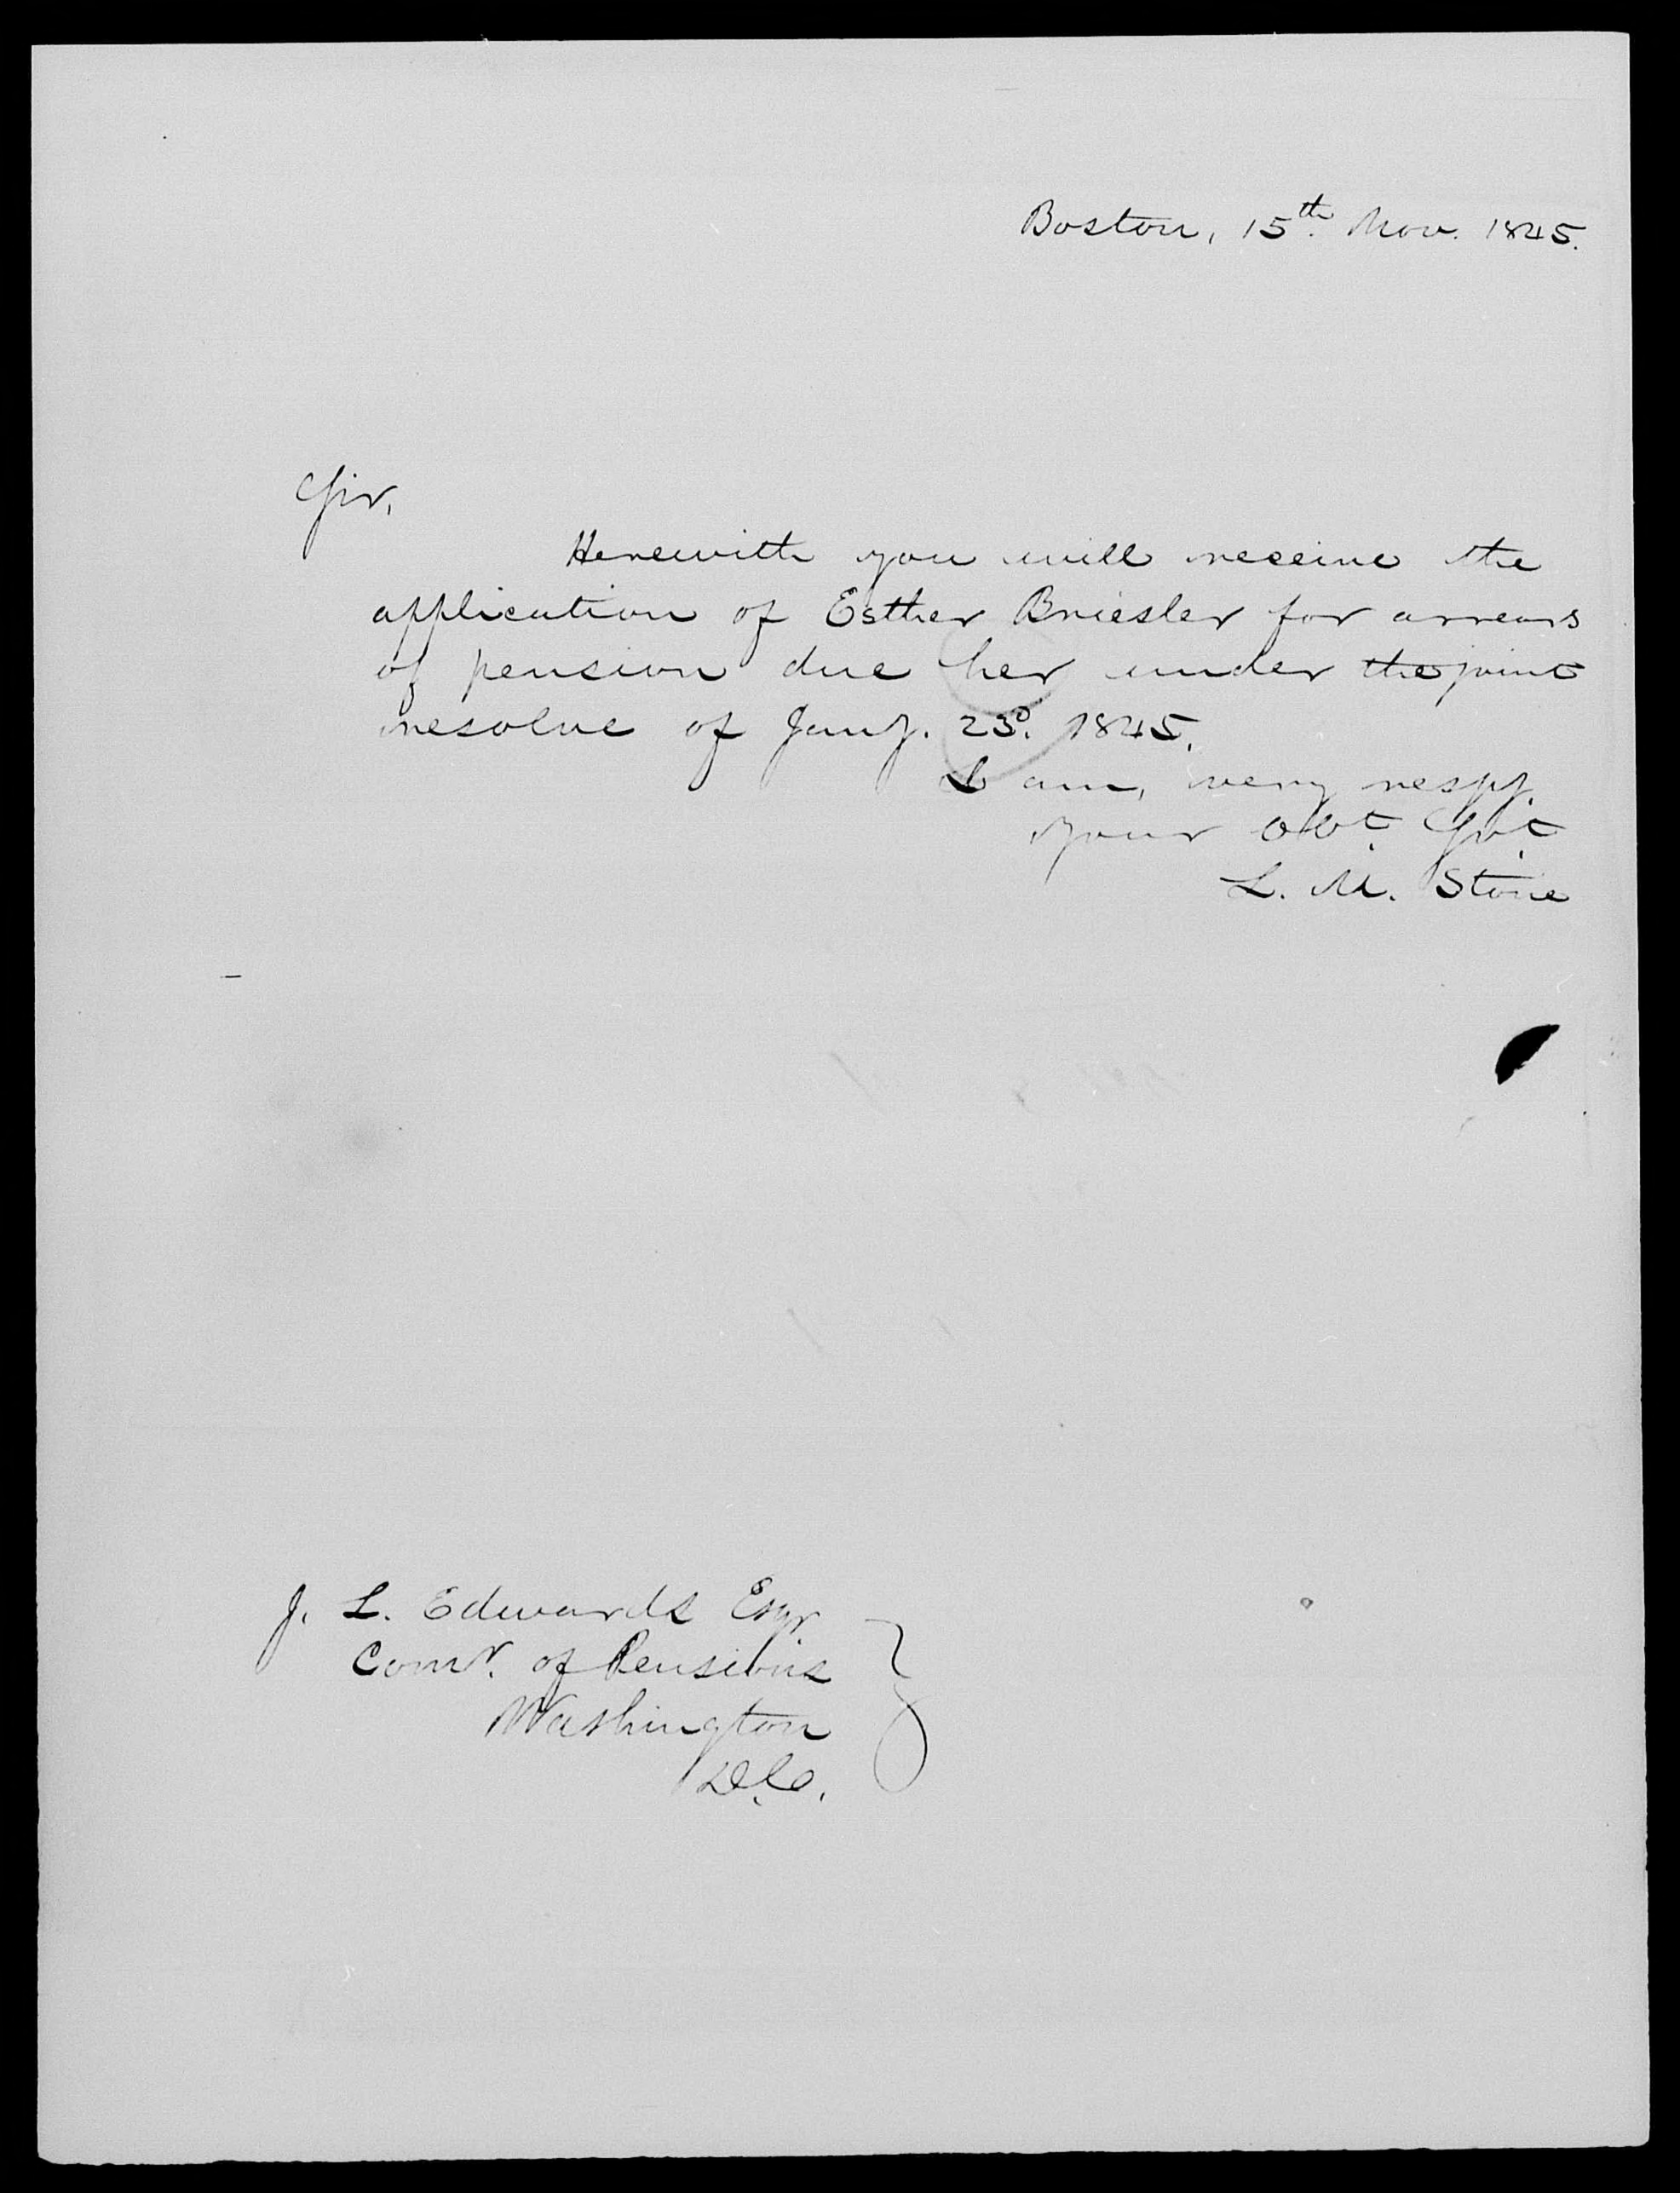Boston, 15th Nov 1845
Sir, Herewith you will receive the application of  Esther Briesler for arrears of pension due her under the joint resolve of January 23d, 1845. 
I am, very respfy Your Obt Svt. L. M. Stone 

J. L. Edwards Esqr.
Commr of Pensions 
Washington D.C.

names: J L Edwards, L M Stone, Esther Briesler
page: 37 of 46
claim: widow's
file: W. 23,673, John Brisler, Mass.